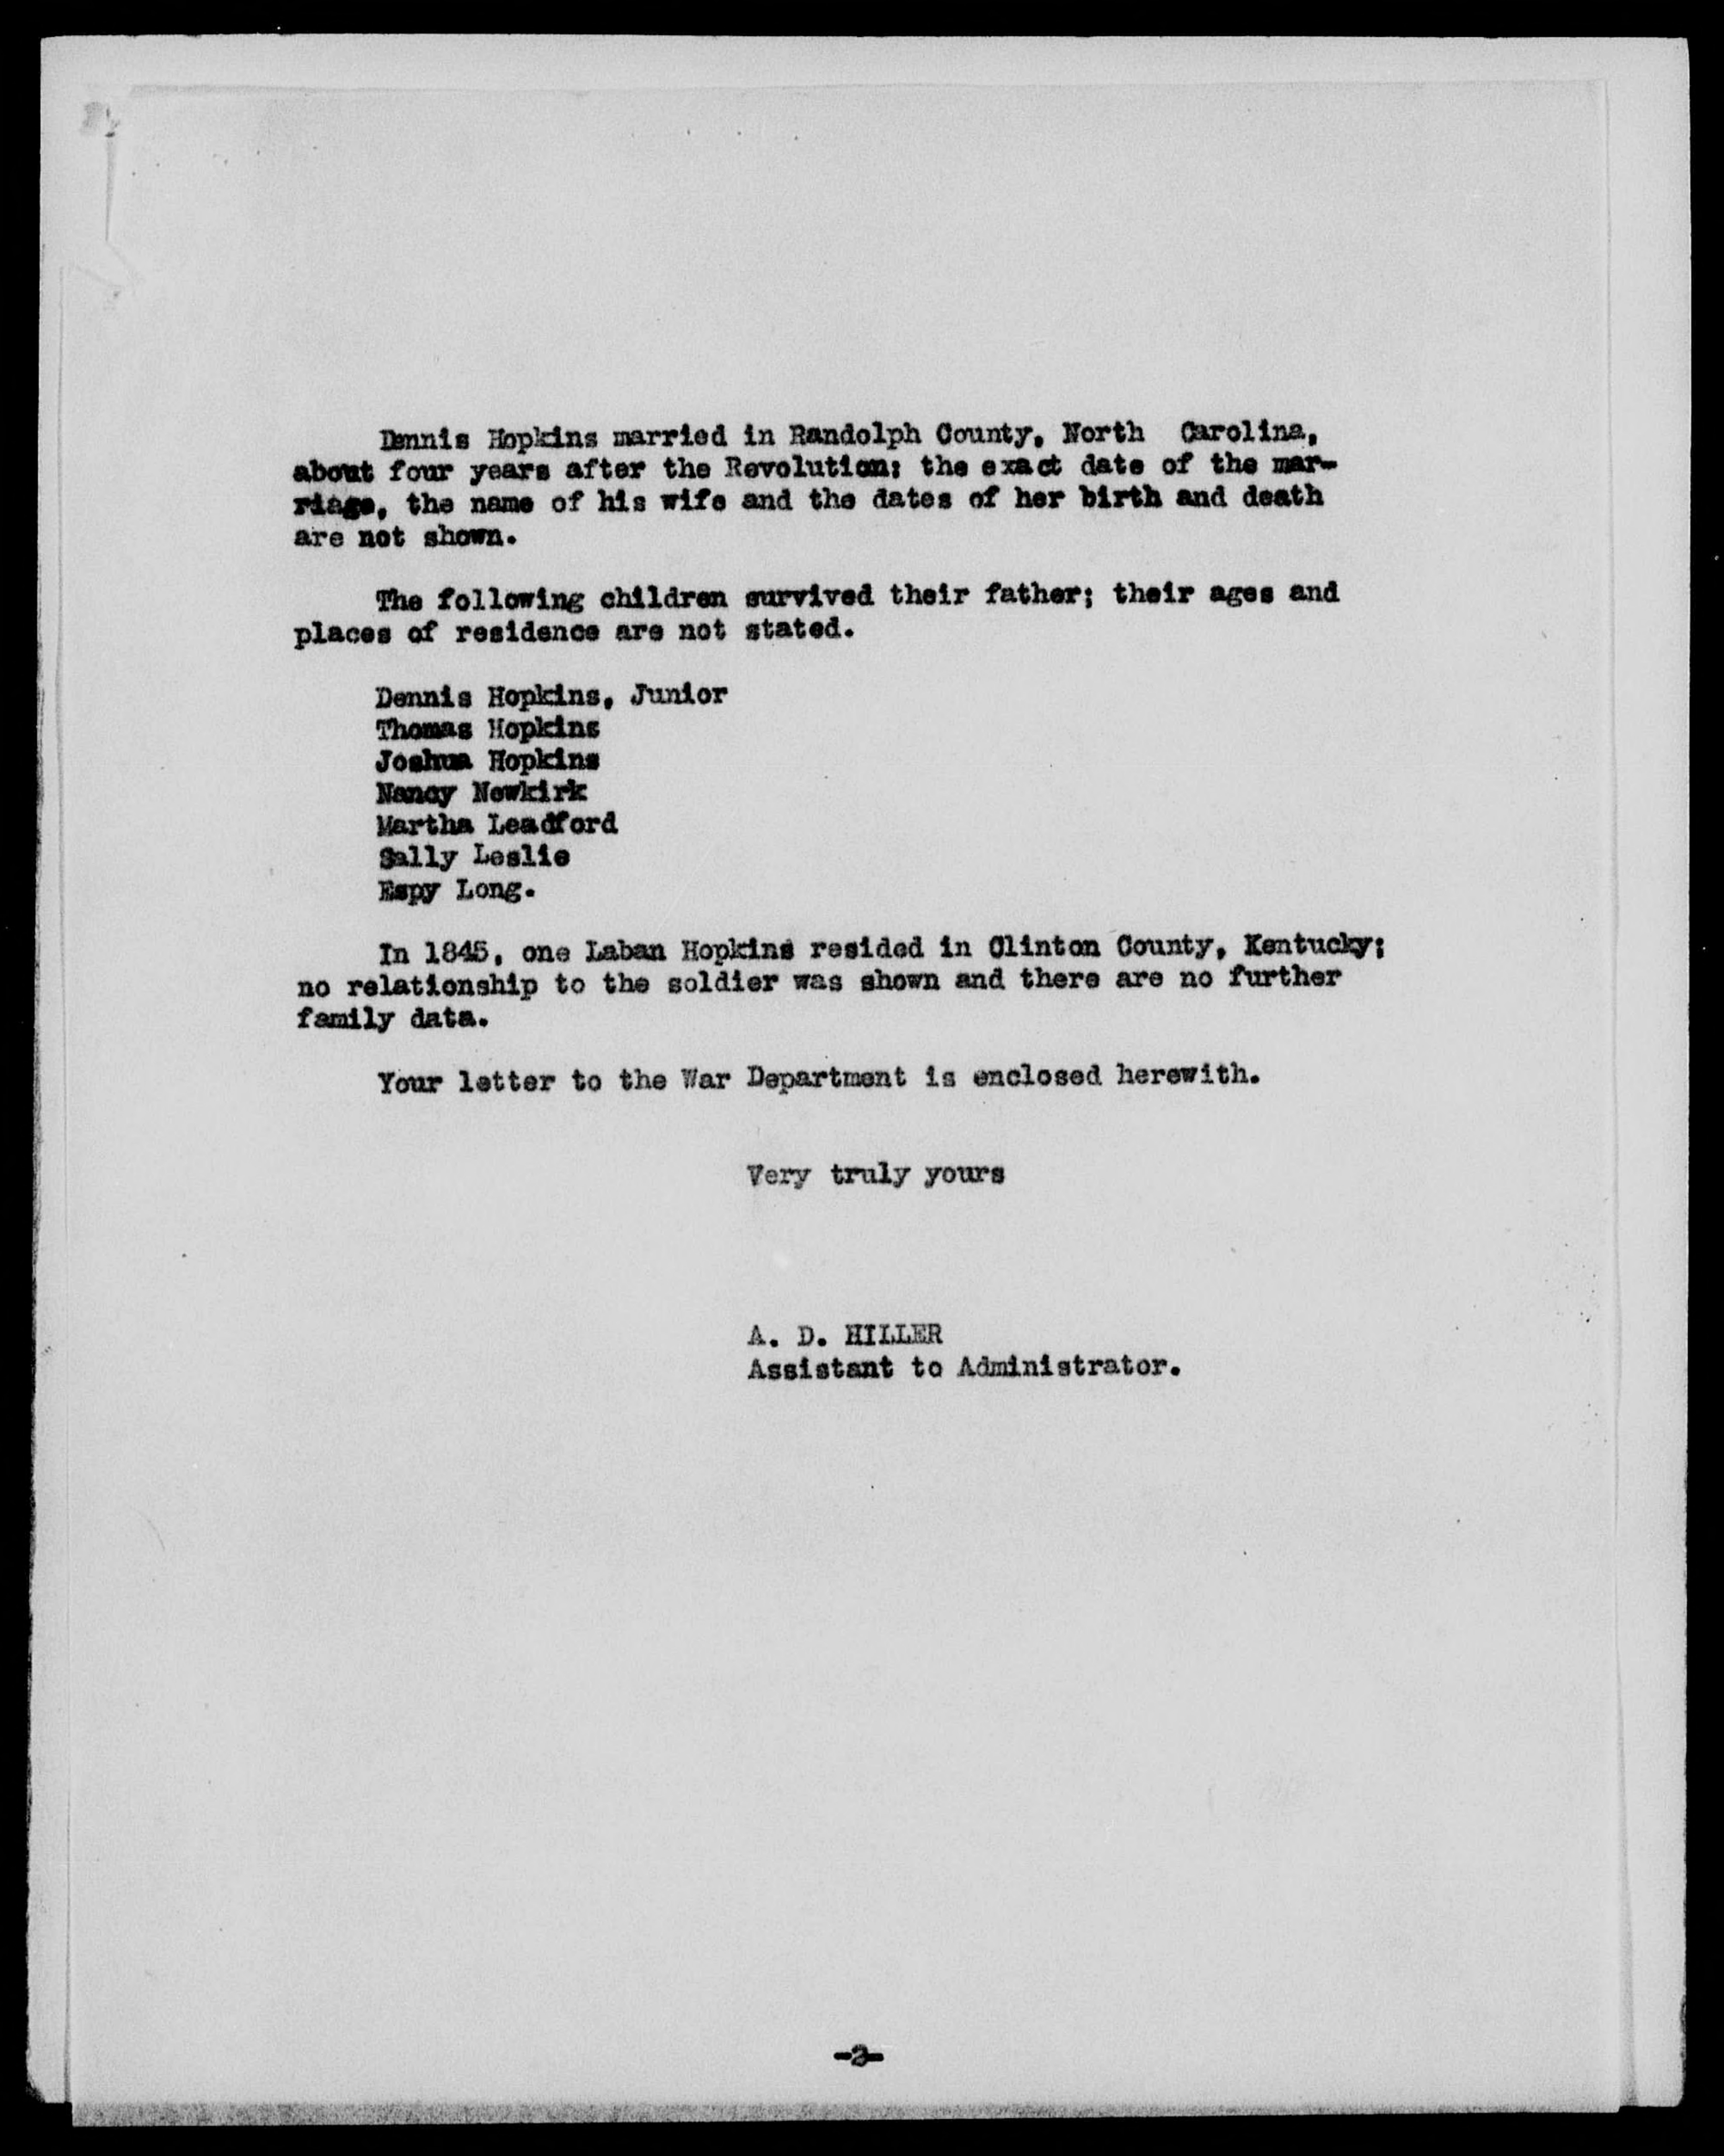Dennis Hopkins married in Randolph County, North Carolina, about four years after the Revolution, the exact date of the marriage, the name of his wife and the dates of her birth and death are not shown.

The following children survived their father; their ages and places of residence are not stated.

Dennis Hopkins, Junior
Thomas Hopkins
Joshua Hopkins
Haney Newkirk
Martha Leadford
Sally Leslie
Espy Long.

In 1845, one Laban Hopkins resided in Clinton County, Kentucky: no relationship to the soldier was shown and there are no further family data.

Your letter to the War Department is enclosed herewith.

Very truly yours
A. D. HILLER
Assistant to Administrator.

-2-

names: Sally Leslie, Martha Leadford, Espy Long, Jushua Hopkins, Dennis Hopkins, Laban Hopkins, Nancy Newkirk, Thomas Hopkins, A D Hiller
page: 11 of 144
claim: rejected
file: R. 5208, Dennis Hopkins, N.C.